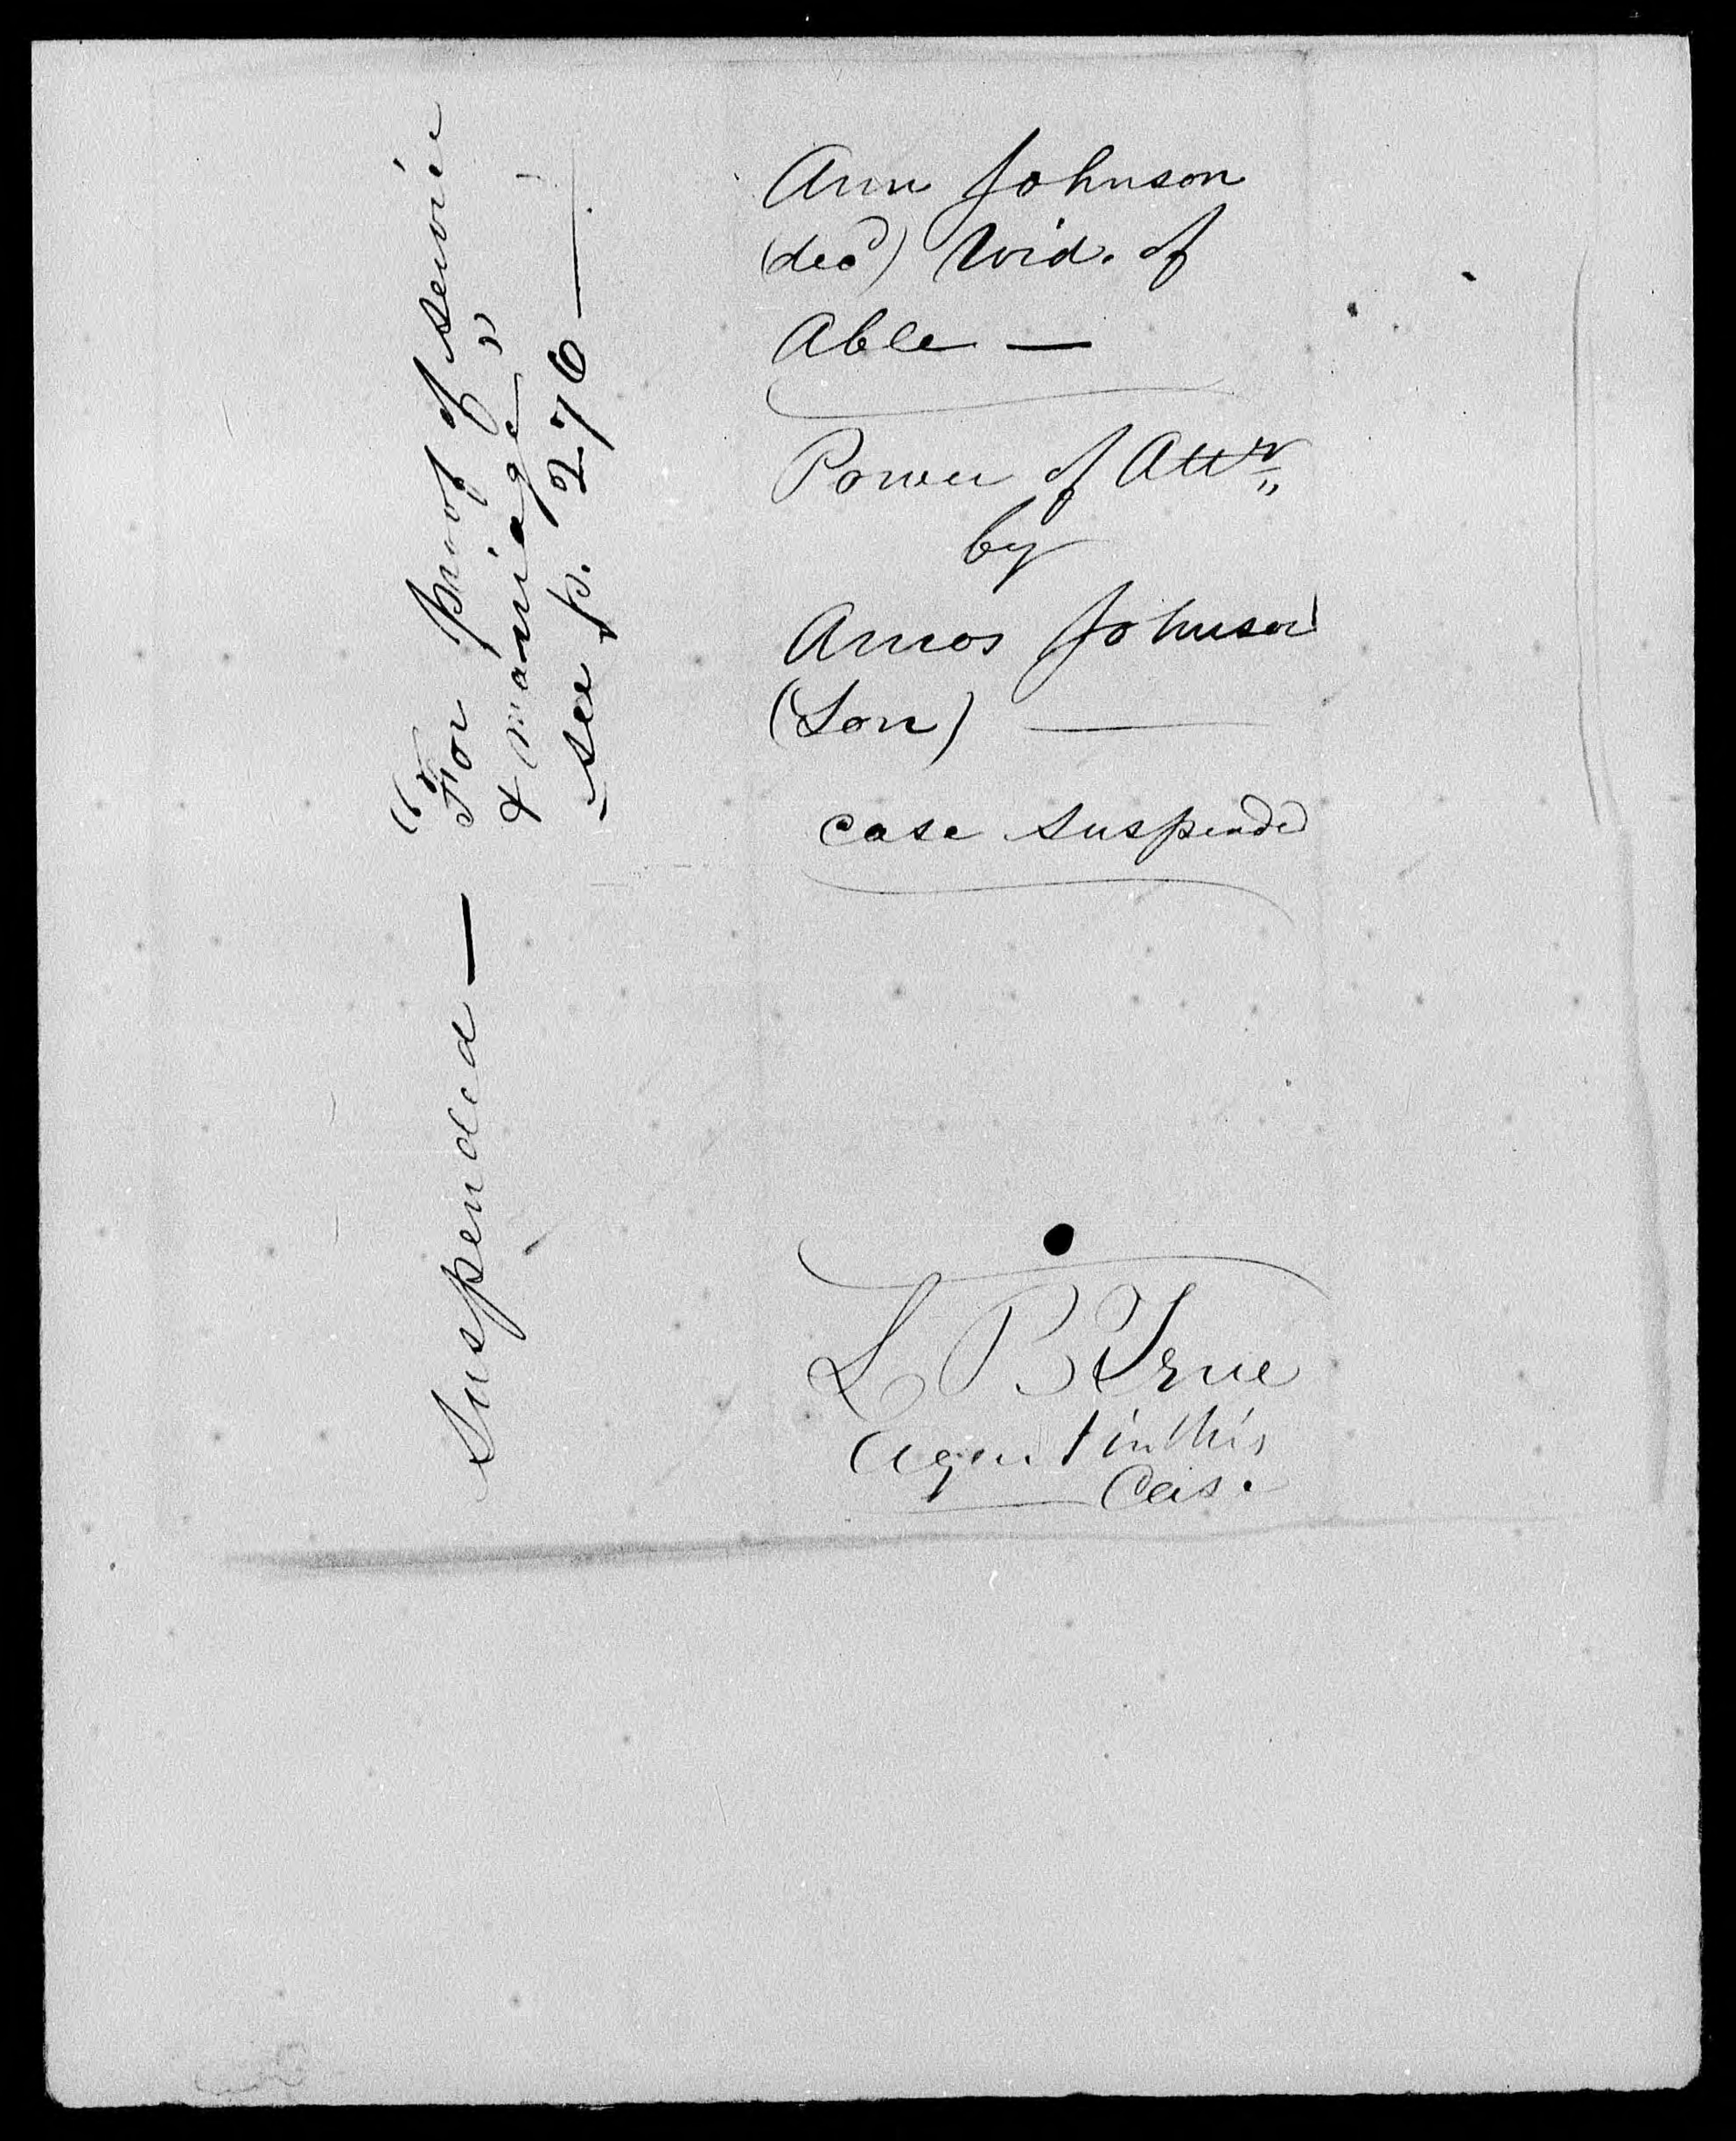Suspended "for proof of service and marriage" see p. 276

Ann Johnson, dead,
Widow of Abel 
Power of Attorney by 
Amos Johnson (Son) 
Case suspended 
I. B. True, agent in this Case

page: 70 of 74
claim: rejected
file: R. 5600, for Abel Johnson, North Carolina